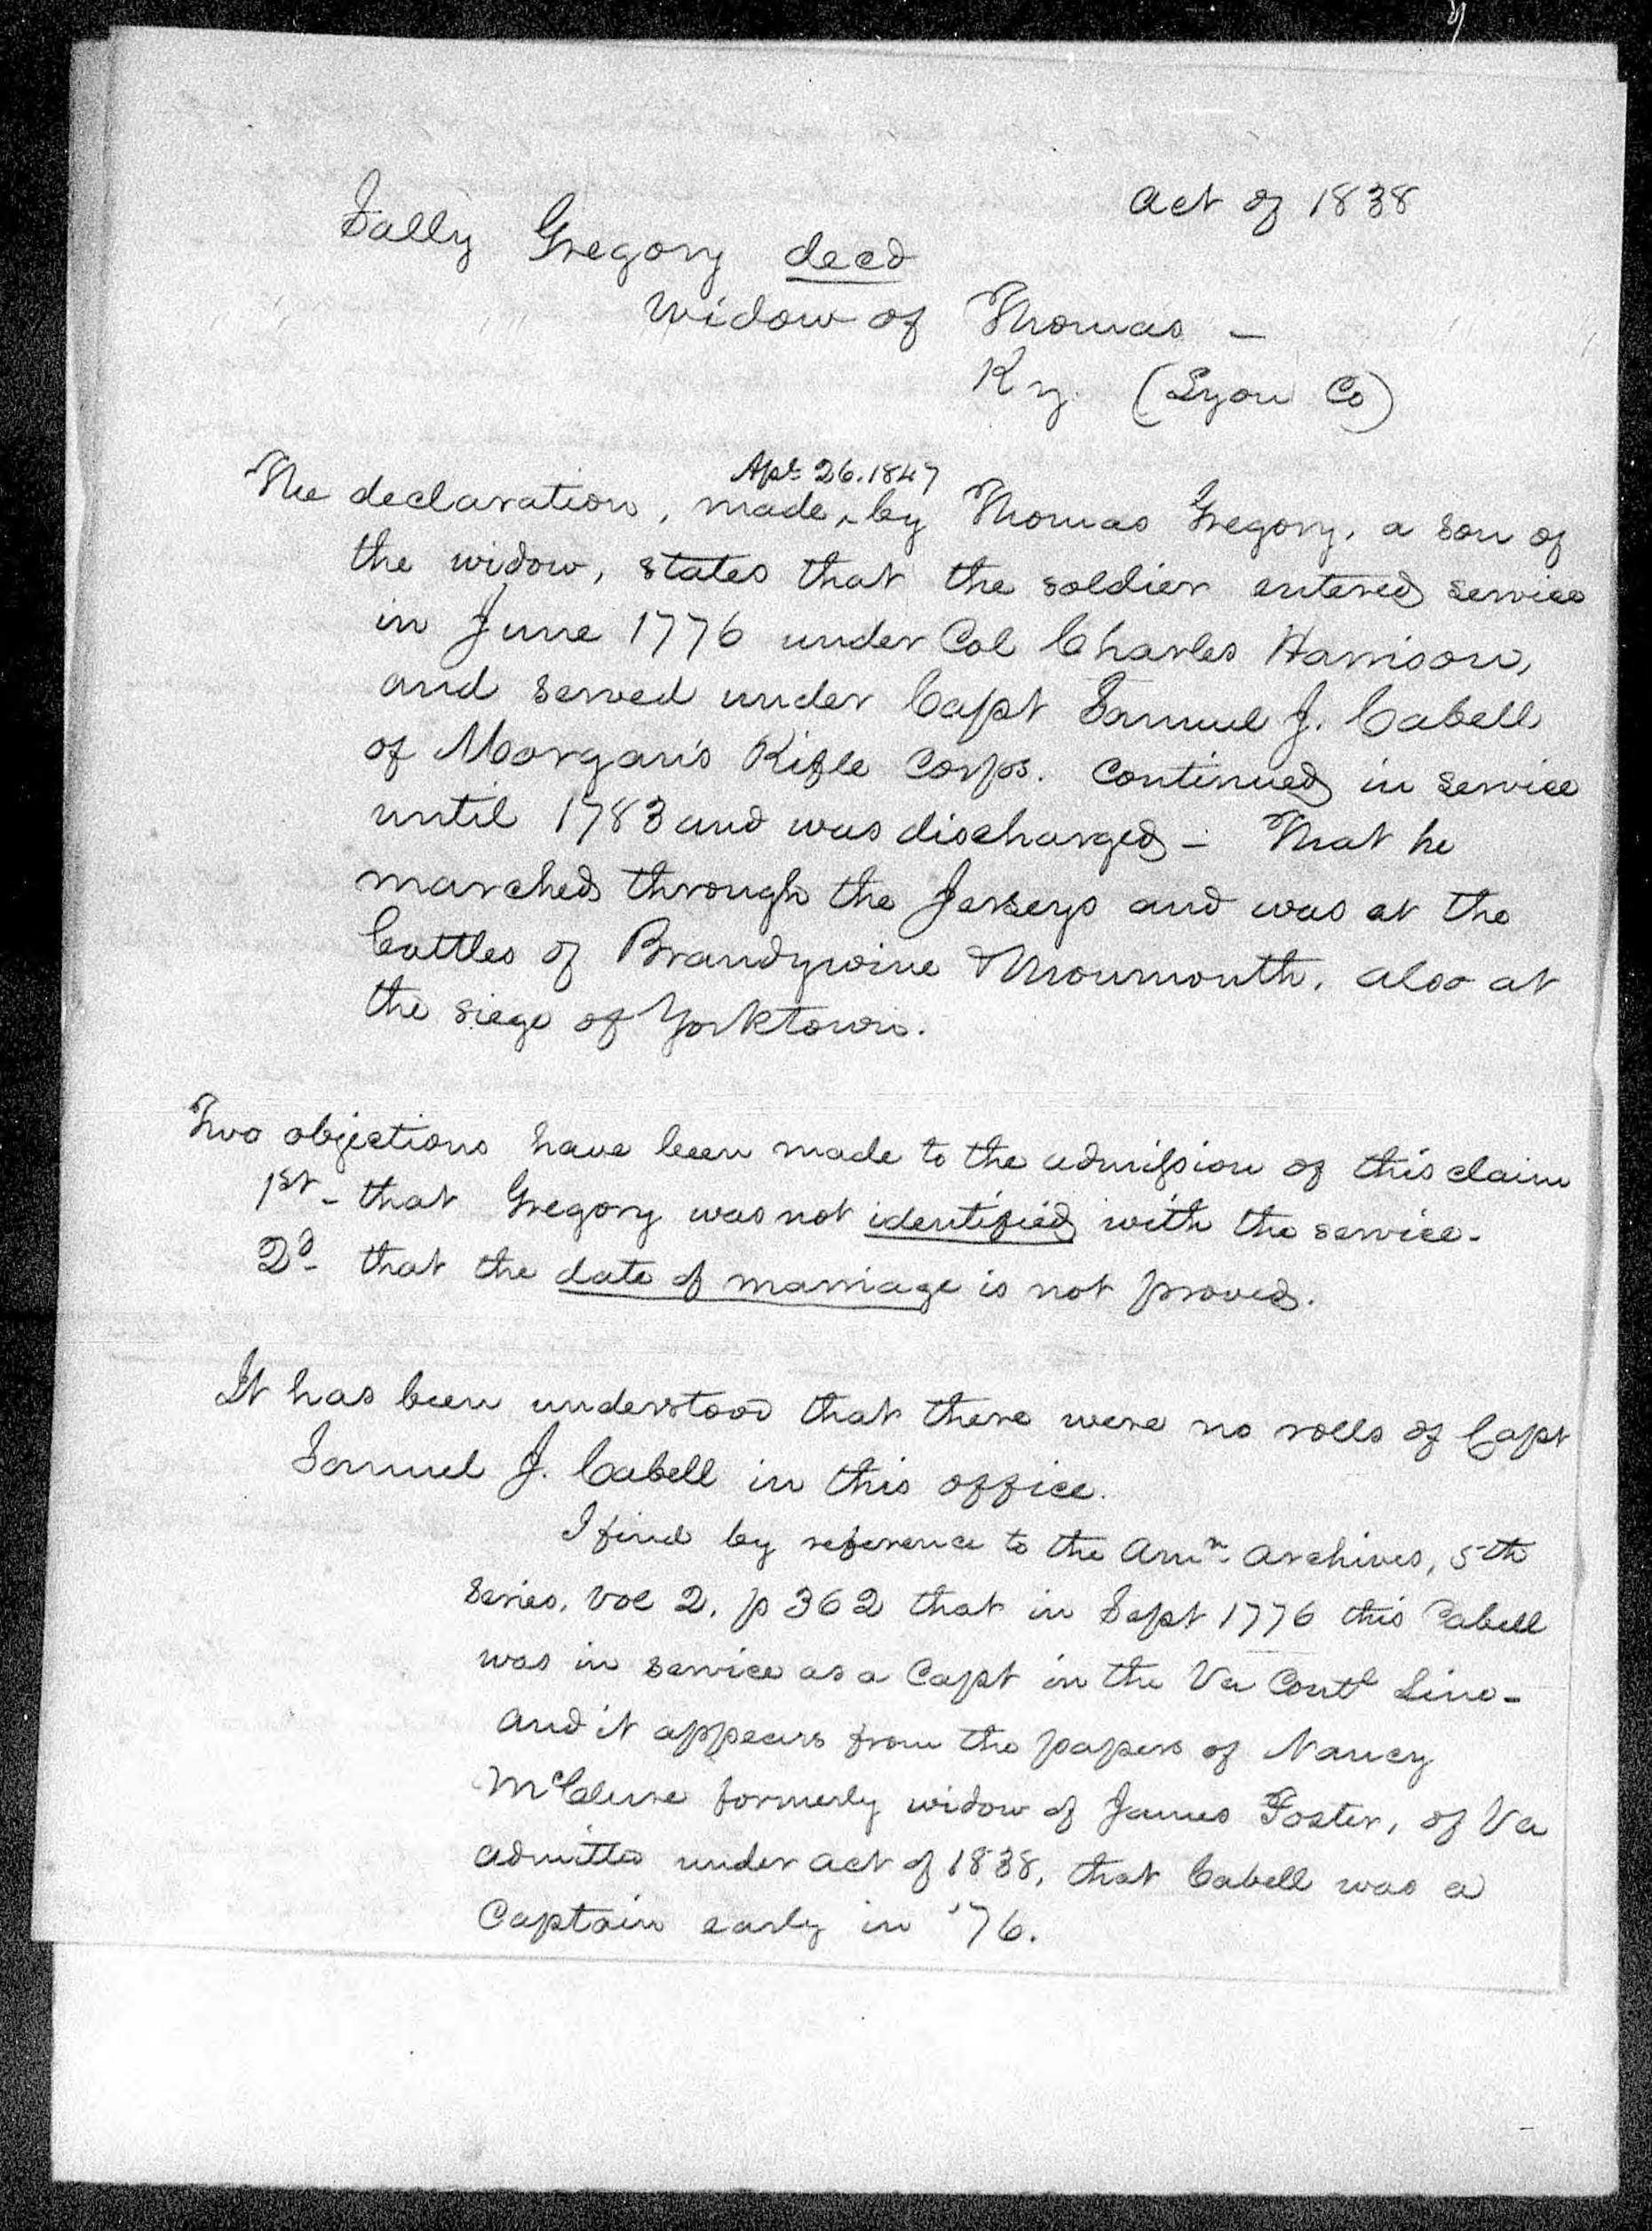Act of 1838

Sally Gregory Decd
widow of Thomas-
Ky (Lyon Co)

The declaration, made Ap'l 26, 1847  by Thomas Gregory, a son of the widow, stated that the soldier entered service in June 1776 under Col Charles Harrison, and served under Capt Samuel J. Cabell of Morgan's Rifle Corps. continued in service until 1783 and was discharged--That he marched through the Jerseys and was at the battles of Brandywine & Monmouth, also at the siege of Yorktown.

Two objections have been made to the admission of this claim  1st that Gregory was not identified with the service. 2d. that the date of marriage is not proved.

It has been understood that there were no rolls of Capt. Samuel J. Cabell in this office.
I find by reference to the Am'n archives, 5th Series, vol 2, p 362 that in Sept 1776 this Cabell was in service as a Capt in the Va Cont'l Line-and it appears from the papers of Nancy McClure formerly widow of James Foster, of Va admitted under act of 1838, that Cabell was a Captain early in '76.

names: Thomas Gregory, Cabell, Samuel J Cabell, Charles Harrison, Gregory, Thomas Gregory, Cabell, Nancy Mc Clure, Sally Gregory, Morgan, Samuel J Cabell, James Foster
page: 23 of 75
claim: widow's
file: W. 8876, Thomas Gregory, Continental Va